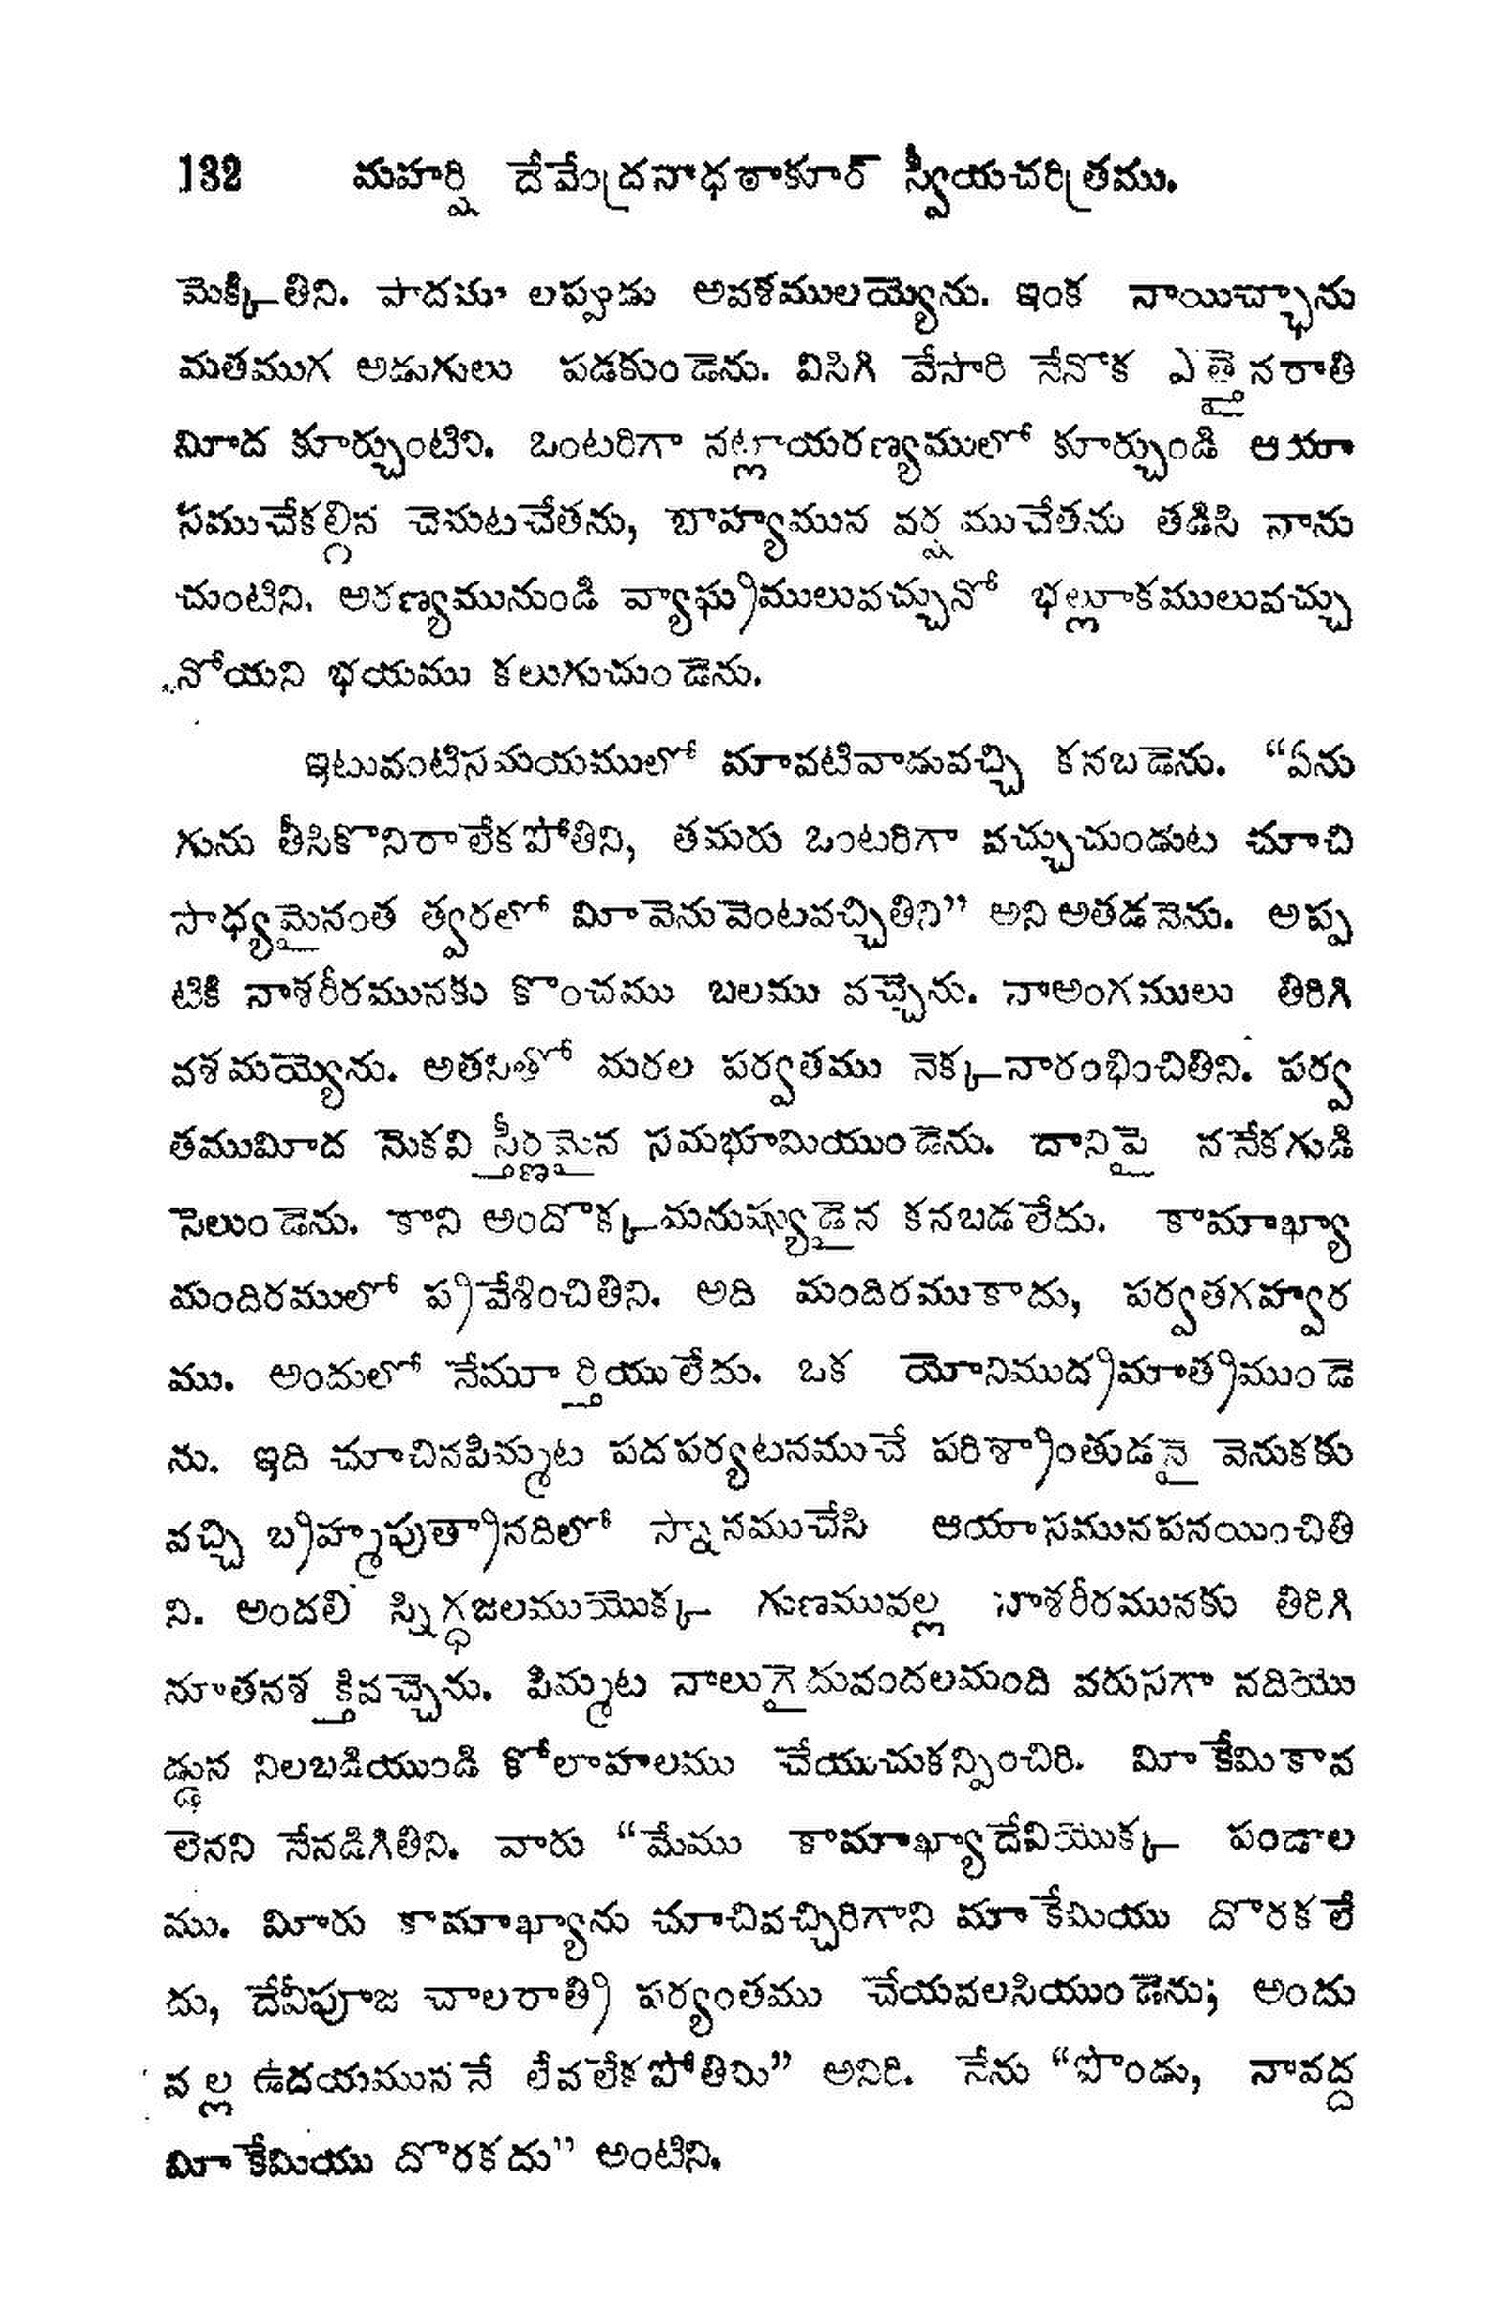మెక్కితిని. పాదము లప్పుడు అవశములయ్యెను. ఇంక నాయిచ్చాను
మతముగ అడుగులు పడకుండెను. విసిగి వేసారి నేనొక ఎత్తైనరాతి
సూద కూర్చుంటిని. ఒంటరిగా నట్లాయరణ్యములో కూర్చుండి 
ఆయాసముచే కల్గిన చెమట చేతను, బాహ్యమున వర్షము చేతను 
తడిసి నానుచుంటిని, అరణ్యము నుండి వ్యాఘ్రములు వచ్చునో 
భల్లూకములు వచ్చు. నోయని భయము కలుగుచుండెను.

ఇటువంటి సమయములో మావటివాడు వచ్చి కనబడెను. “ఏనుగును 
తీసికొనిరా లేక పోతిని, తమరు ఒంటరిగా వచ్చుచుండుట చూచీ
సాధ్యమైనంత త్వరలో మీ వెనువెంటవచ్చితిని” అని అతడ నెను. 
అప్పటికి నాశరీరమునకు కొంచము బలము వచ్చెను. నా అంగములు 
తిరిగి వశమయ్యెను. అతనితోమరల పర్వతము నెక్క నారంభించితిని. 
పర్వతముమీద నెకవిస్తీర్ణమైన సమభూమియుండెను. దానిపై ననేక 
గుడిసెలుం డెను. "కాని అందొక్క మనుష్యుడైన కనబడ లేదు. కామాఖ్యా
మందిరములో ప్రవేశించితిని. అది మందిరము కాదు, పర్వతగ్రహ్వరము. 
అందులో "నేమూర్తియు లేదు. ఒక యోనిముద్ర మాతముం డెను.
ఇది చూచిన పిమ్మట పద పర్యటనముచే పరిశ్రాంతుడనై వెనుకకు
వచ్చి బ్రహ్మపుత్రానదిలో స్నానముచేసి ఆయాసమున పనయించితిని.
అందలి స్నిగ్ధజలము యొక్క గుణమువల్ల నాశరీరమునకు తిరిగి
నూతనశక్తి వచ్చెను. పిన్ముట నాలుగైదు వందలమంది వరుసగా 
నదియెడ్డున నిలబడియుండి కోలాహలము చేయుచు కన్పించిరి. 
మీకేమి కావలెనని నేనడిగితిని. వారు “మేము కామాఖ్యా దేవి యొక్క 
పండాలము. మీరు కామాఖ్యాను చూచివచ్చితిరి గాని మాకేమియు 
దొరకలేదు, దేవీ పూజ చాలరాత్రి పర్యంతము చేయవలసియుండెను; 
అందువల్ల ఉదయమున నే లేవ లేక పోతిమి” అనిరి.. నేను “పొండు,
నావద్ద మీకేమియు దొరకదు” అంటిని,